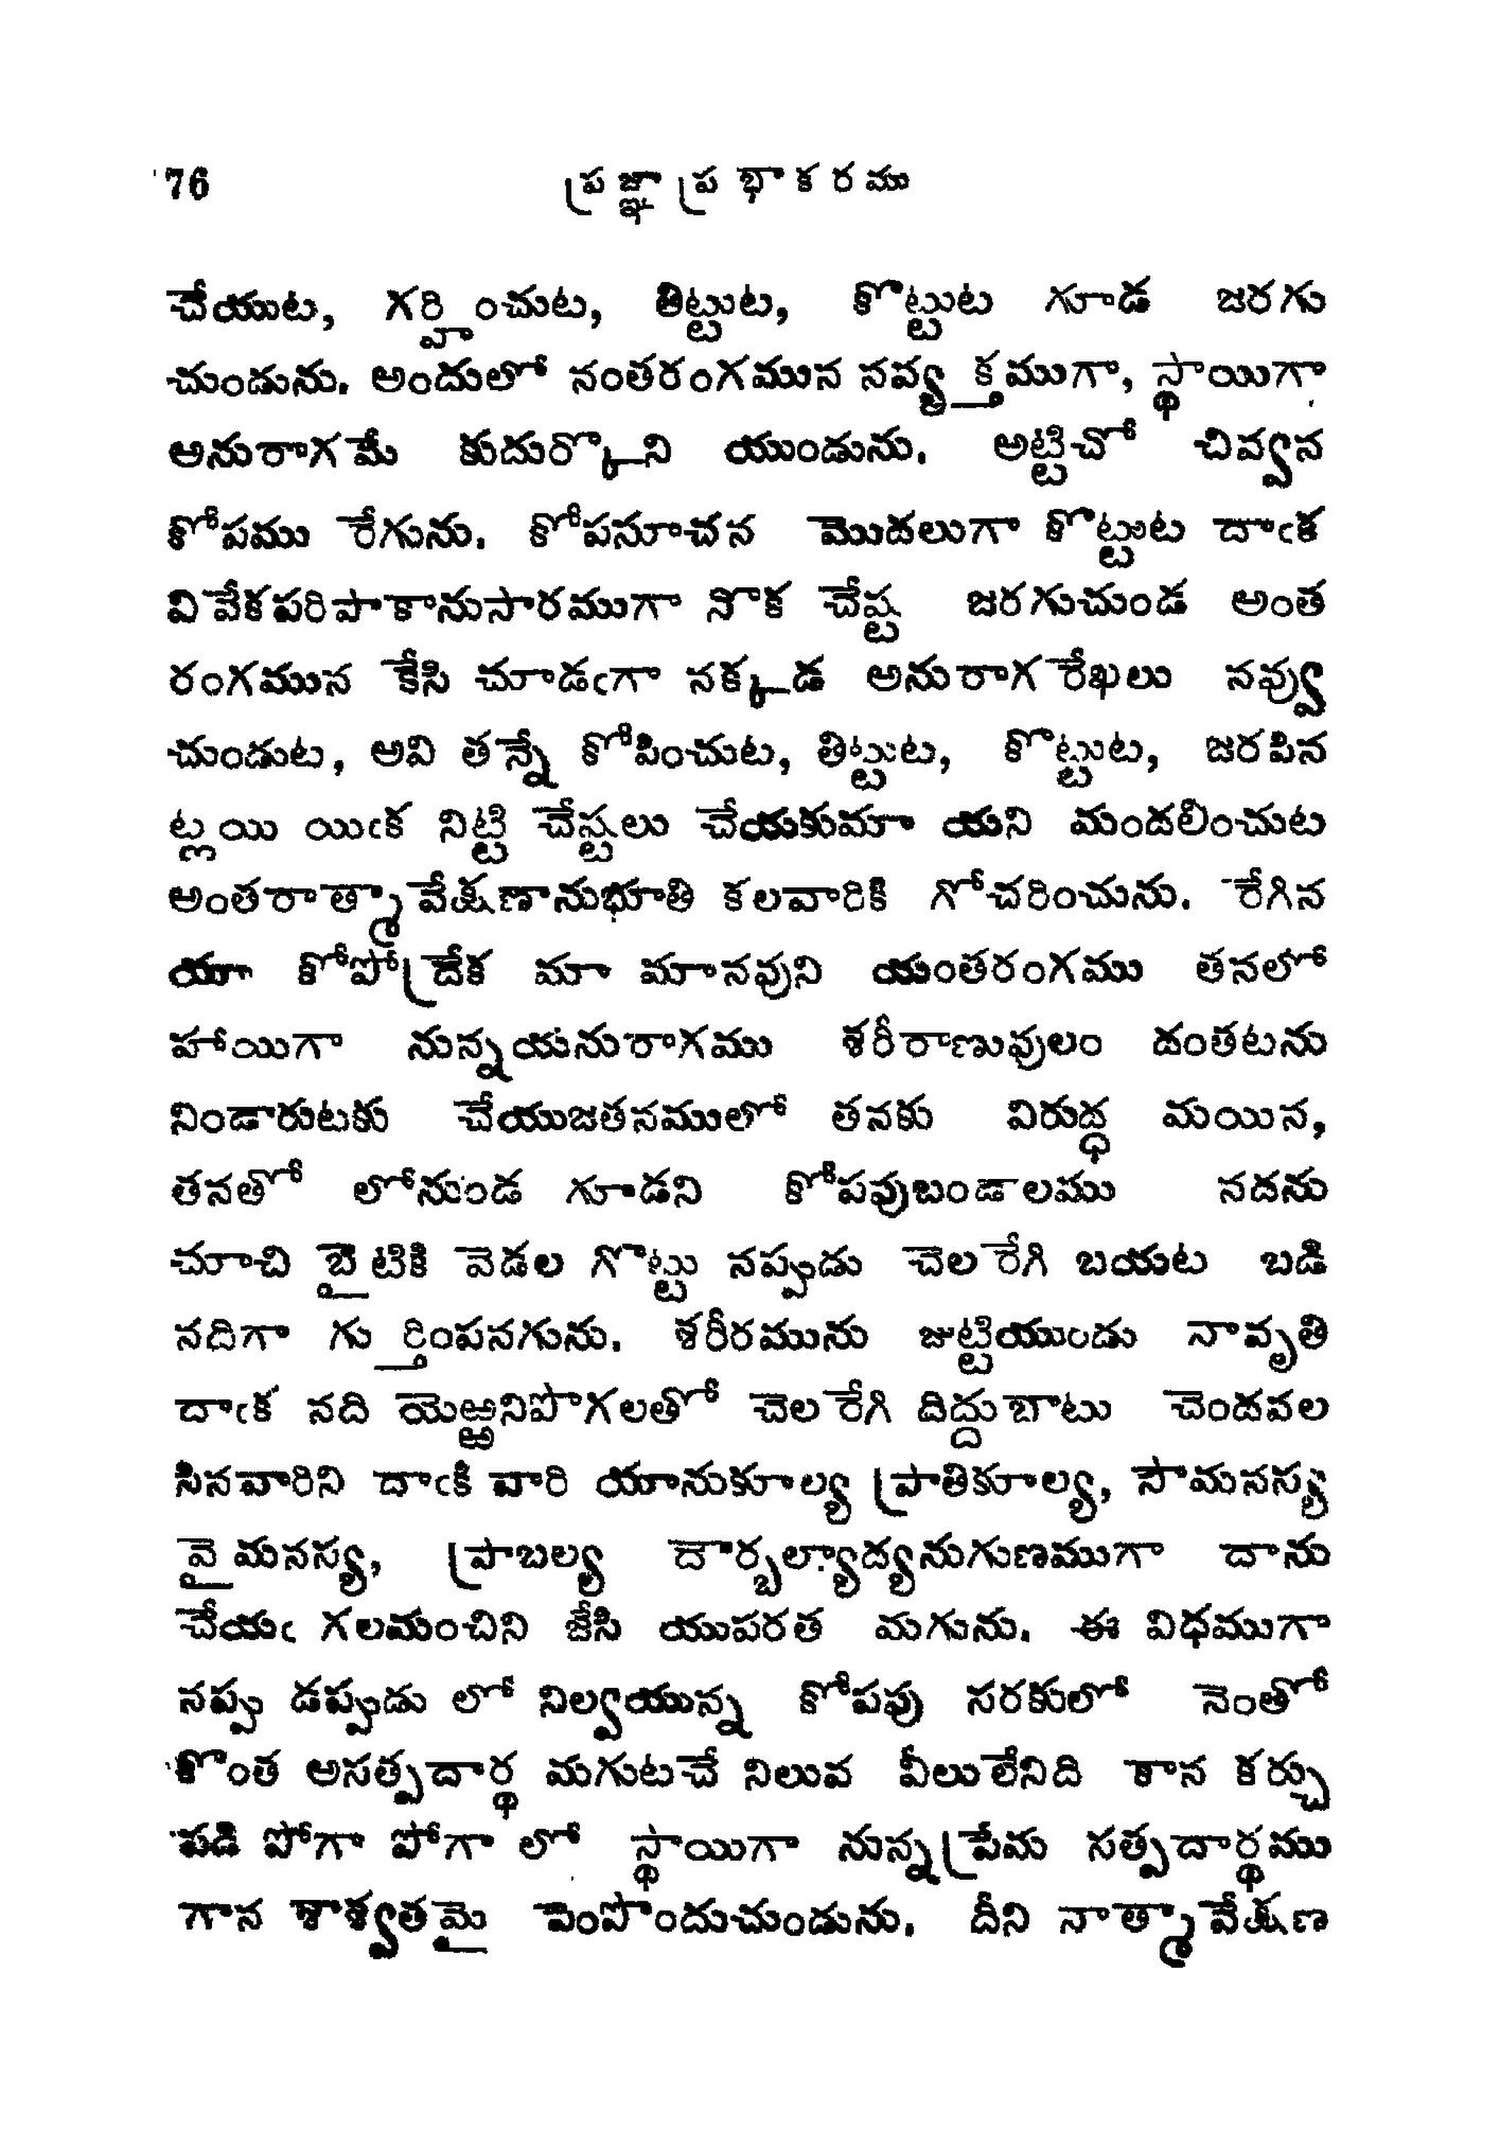చేయుట, గర్హించుట, తిట్టుట, కొట్టుట గూడ జరగుచుండును. అందులో నంతరంగము నవ్యక్తముగా, స్థాయిగా అనురాగమే కుదుర్కొని యుండును. అట్టిచో చివ్వన కోపము రేగును. కోపసూచన మొదలుగా కొట్టుట దాఁక వివేకపరిపాకనుసారము నొక చేష్ట జరగుచుండ అంతరంగమున కేసి చూడఁ గా నక్కడ అనురాగ రేఖలు నవ్వుచుండుట, అవి తన్నే కోపించుట, తిట్టుట, కొట్టుట, జరపినట్లయి యిఁక నిట్టి చేష్టలు చేయకుమా యని మంద లించుట అంతరాత్మావేక్షణా నుభూతి కలవారి గోచరించును.
రేగిన యా కోపోద్రేక మా మానవుని యంతరంగము తనలో హాయిగా నున్న యనురాగము శరీరాణువులం దంతటను నిండారుటకు చేయు జతనములో తనకు విరుద్ధమయిన, తనతో లోనుండ గూడని కోపపు బండాల మునదను చూచి బైటి వెడల గోట్టునప్పుడు చెలరేగి బయటబడి నది గగుర్తింపనగును. శరీరమును జుట్టియుండి నావృత్తి దాకఁ నది యెఱ్ఱని పొగలతో చెలరేగి దిద్దుబాటు చెంద వలసిన వారిని దాఁకి వారి యనుకూల్య ప్రాతికూల్య, సౌమనస్య, వైమనస్య, ప్రబలు, దౌర్బల్యాద్యనుగుణముగా దను చేయఁ గల మంచిని జేసి యుపరత మగును. ఈ విధముగానప్పు డప్పుడు లో నిల్వయున్న కోపపు సరకులో నెంతో కొంత అసత్పదార్ద మగుటచే నిలువ వీలులేనిది కాన కర్చు పడి పొగా పోగా లో స్థాయిగా నున్న ప్రేమ సత్పదార్ధము గాన శాశ్వతమై పెంపొందుచుండును. దీని నాత్మావేక్షణ